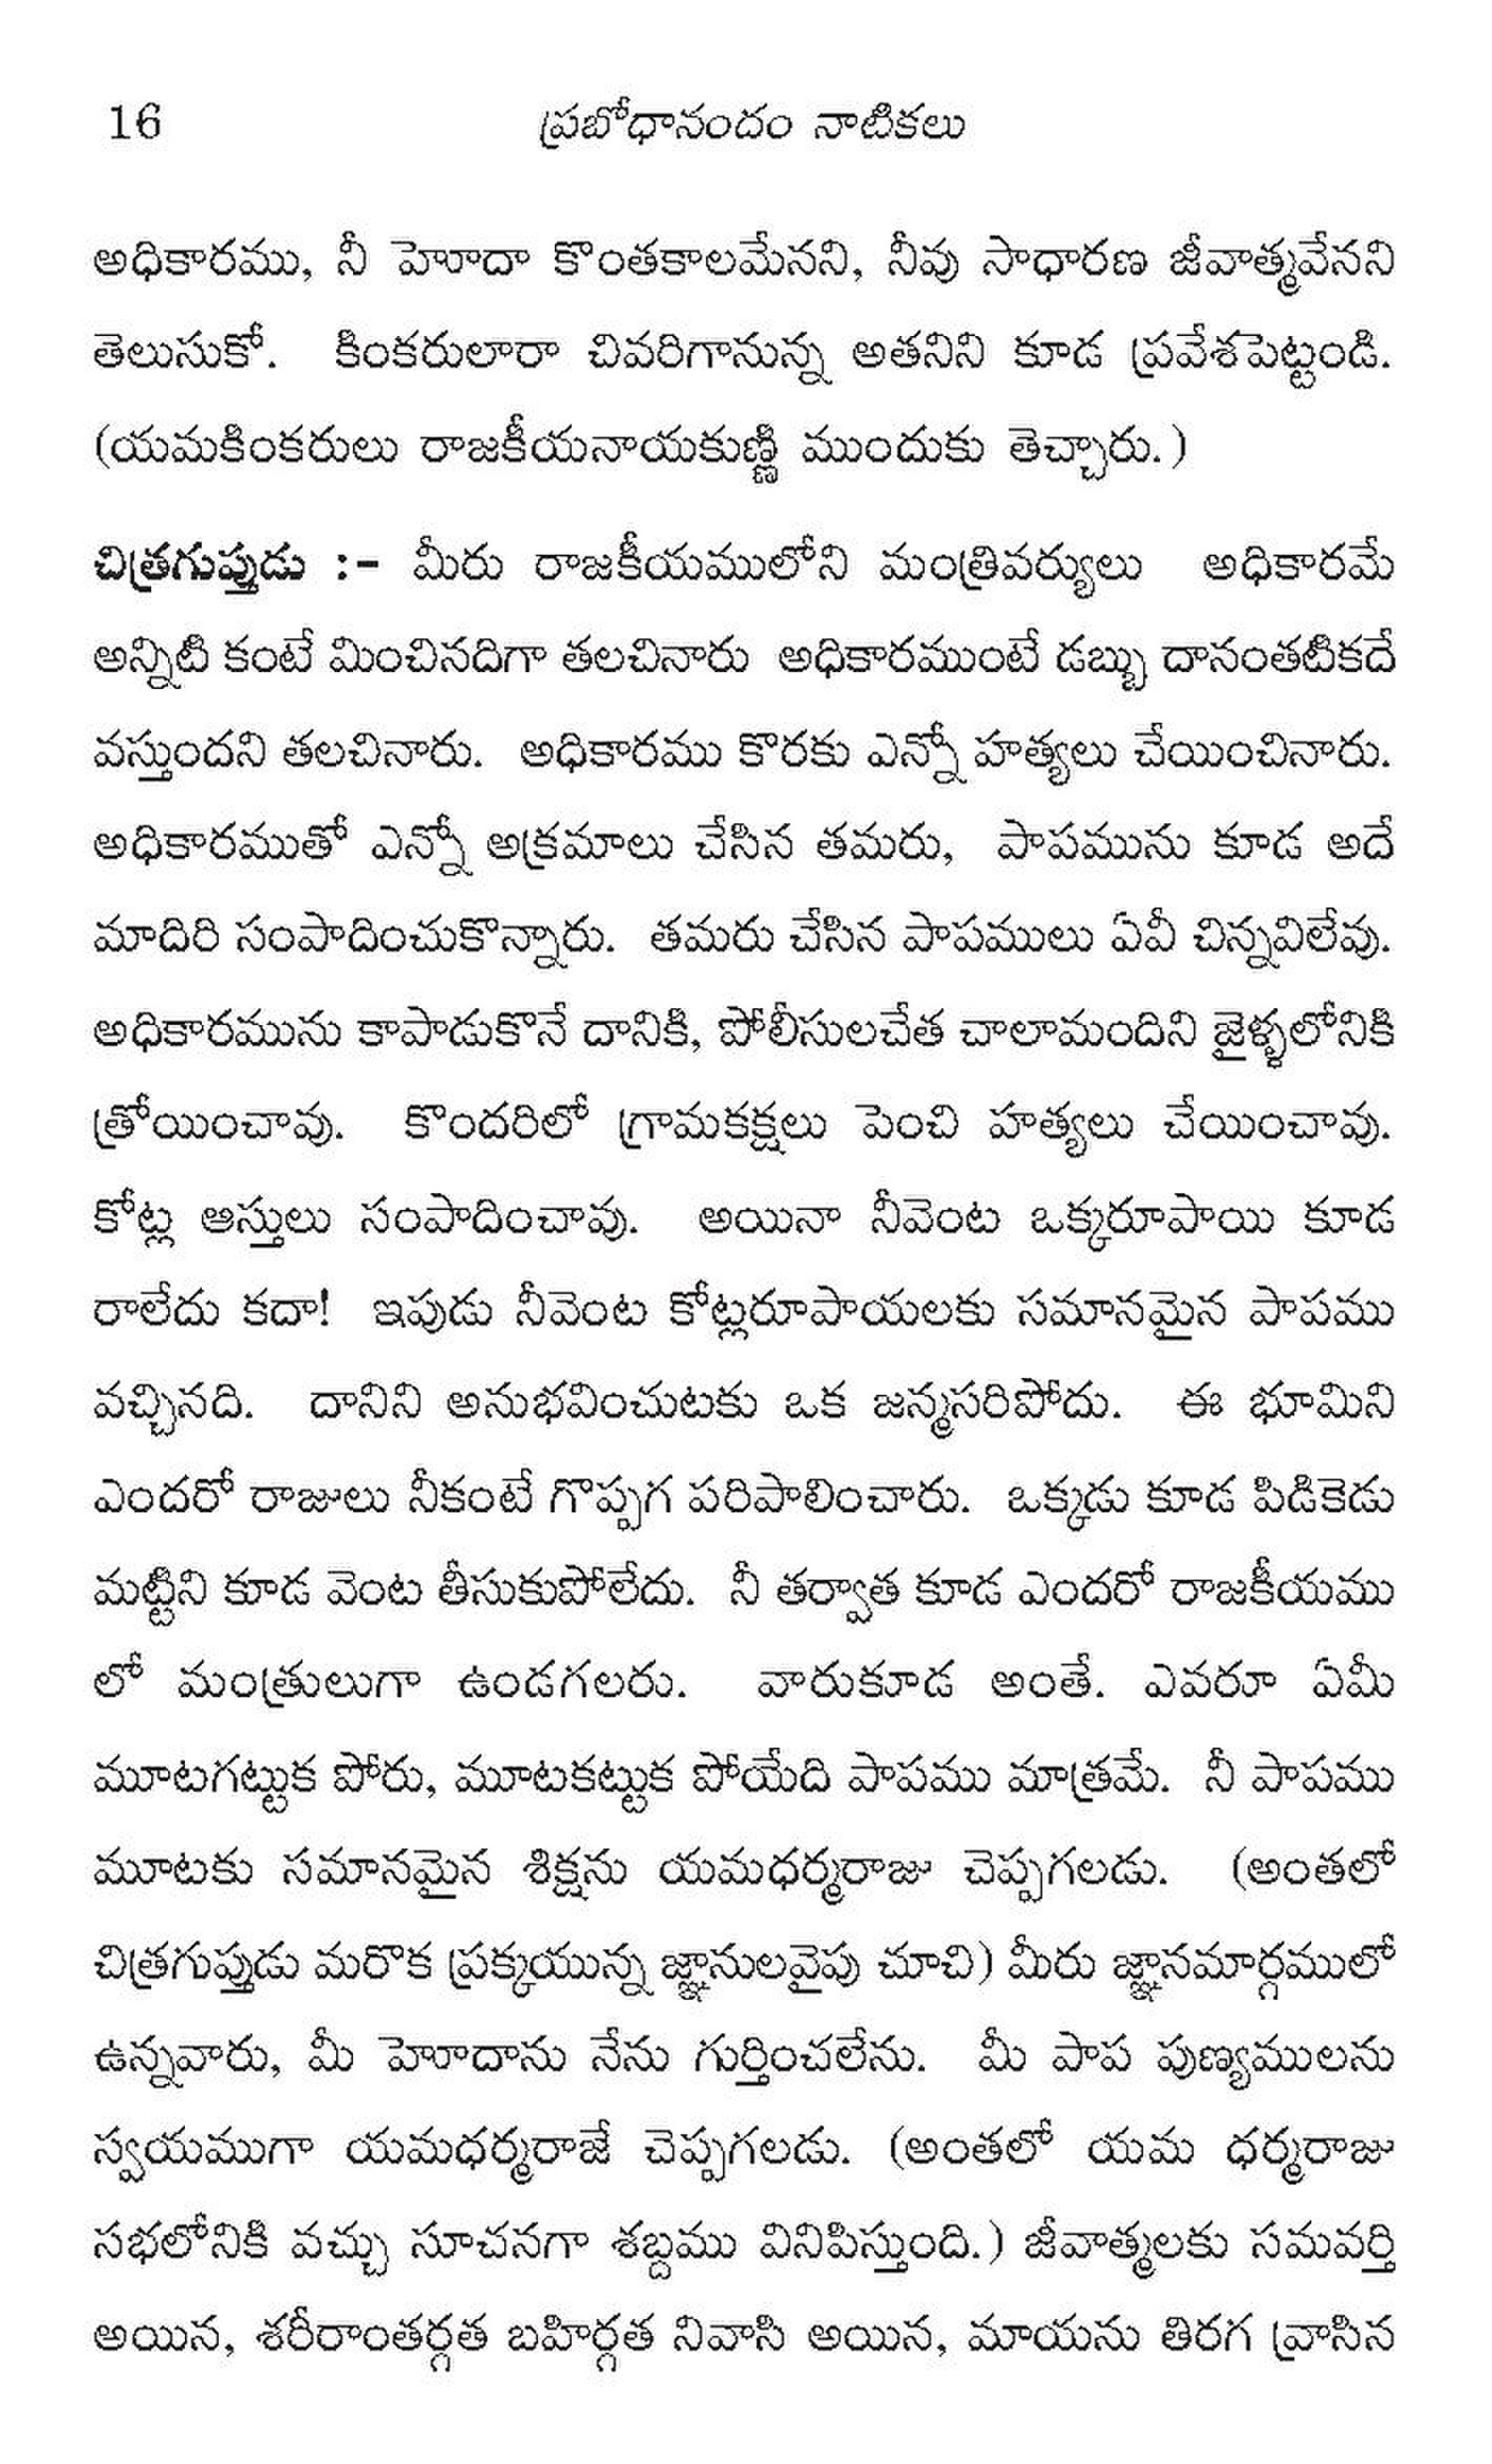అధికారము, నీ హోదా కొంతకాలమేనని, నీవు సాధారణ జీవాత్మవేనని తెలుసుకో. కింకరులారా చివరిగానున్న అతనిని కూడ ప్రవేశపెట్టండి. (యమకింకరులు రాజకీయనాయకుణ్ణి ముందుకు తెచ్చారు.)

చిత్రగుప్తుడు :- మీరు రాజకీయములోని మంత్రివర్యులు అధికారమే అన్నిటి కంటే మించినదిగా తలచినారు అధికారముంటే డబ్బు దానంతటికదే వస్తుందని తలచినారు. అధికారము కొరకు ఎన్నో హత్యలు చేయించినారు. అధికారముతో ఎన్నో అక్రమాలు చేసిన తమరు, పాపమును కూడ అదే మాదిరి సంపాదించుకొన్నారు. తమరు చేసిన పాపములు ఏవీ చిన్నవిలేవు. అధికారమును కాపాడుకొనే దానికి, పోలీసులచేత చాలామందిని జైళ్ళలోనికి త్రోయించావు. కొందరిలో గ్రామకక్షలు పెంచి హత్యలు చేయించావు. కోట్ల ఆస్తులు సంపాదించావు. అయినా నీవెంట ఒక్కరూపాయి కూడ రాలేదు కదా! ఇపుడు నీవెంట కోట్లరూపాయలకు సమానమైన పాపము వచ్చినది. దానిని అనుభవించుటకు ఒక జన్మసరిపోదు. ఈ భూమిని ఎందరో రాజులు నీకంటే గొప్పగ పరిపాలించారు. ఒక్కడు కూడ పిడికెడు మట్టిని కూడ వెంట తీసుకుపోలేదు. నీ తర్వాత కూడ ఎందరో రాజకీయము లో మంత్రులుగా ఉండగలరు. వారుకూడ అంతే. ఎవరూ ఏమీ మూటగట్టుక పోరు, మూటకట్టుక పోయేది పాపము మాత్రమే. నీ పాపము మూటకు సమానమైన శిక్షను యమధర్మరాజు చెప్పగలడు. (అంతలో చిత్రగుప్తుడు మరొక ప్రక్కయున్న జ్ఞానులవైపు చూచి) మీరు జ్ఞానమార్గములో ఉన్నవారు, మీ హోదాను నేను గుర్తించలేను. మీ పాప పుణ్యములను స్వయముగా యమధర్మరాజే చెప్పగలడు. (అంతలో యమ ధర్మరాజు సభలోనికి వచ్చు సూచనగా శబ్దము వినిపిస్తుంది.) జీవాత్మలకు సమవర్తి అయిన, శరీరాంతర్గత బహిర్గత నివాసి అయిన, మాయను తిరగ వ్రాసిన